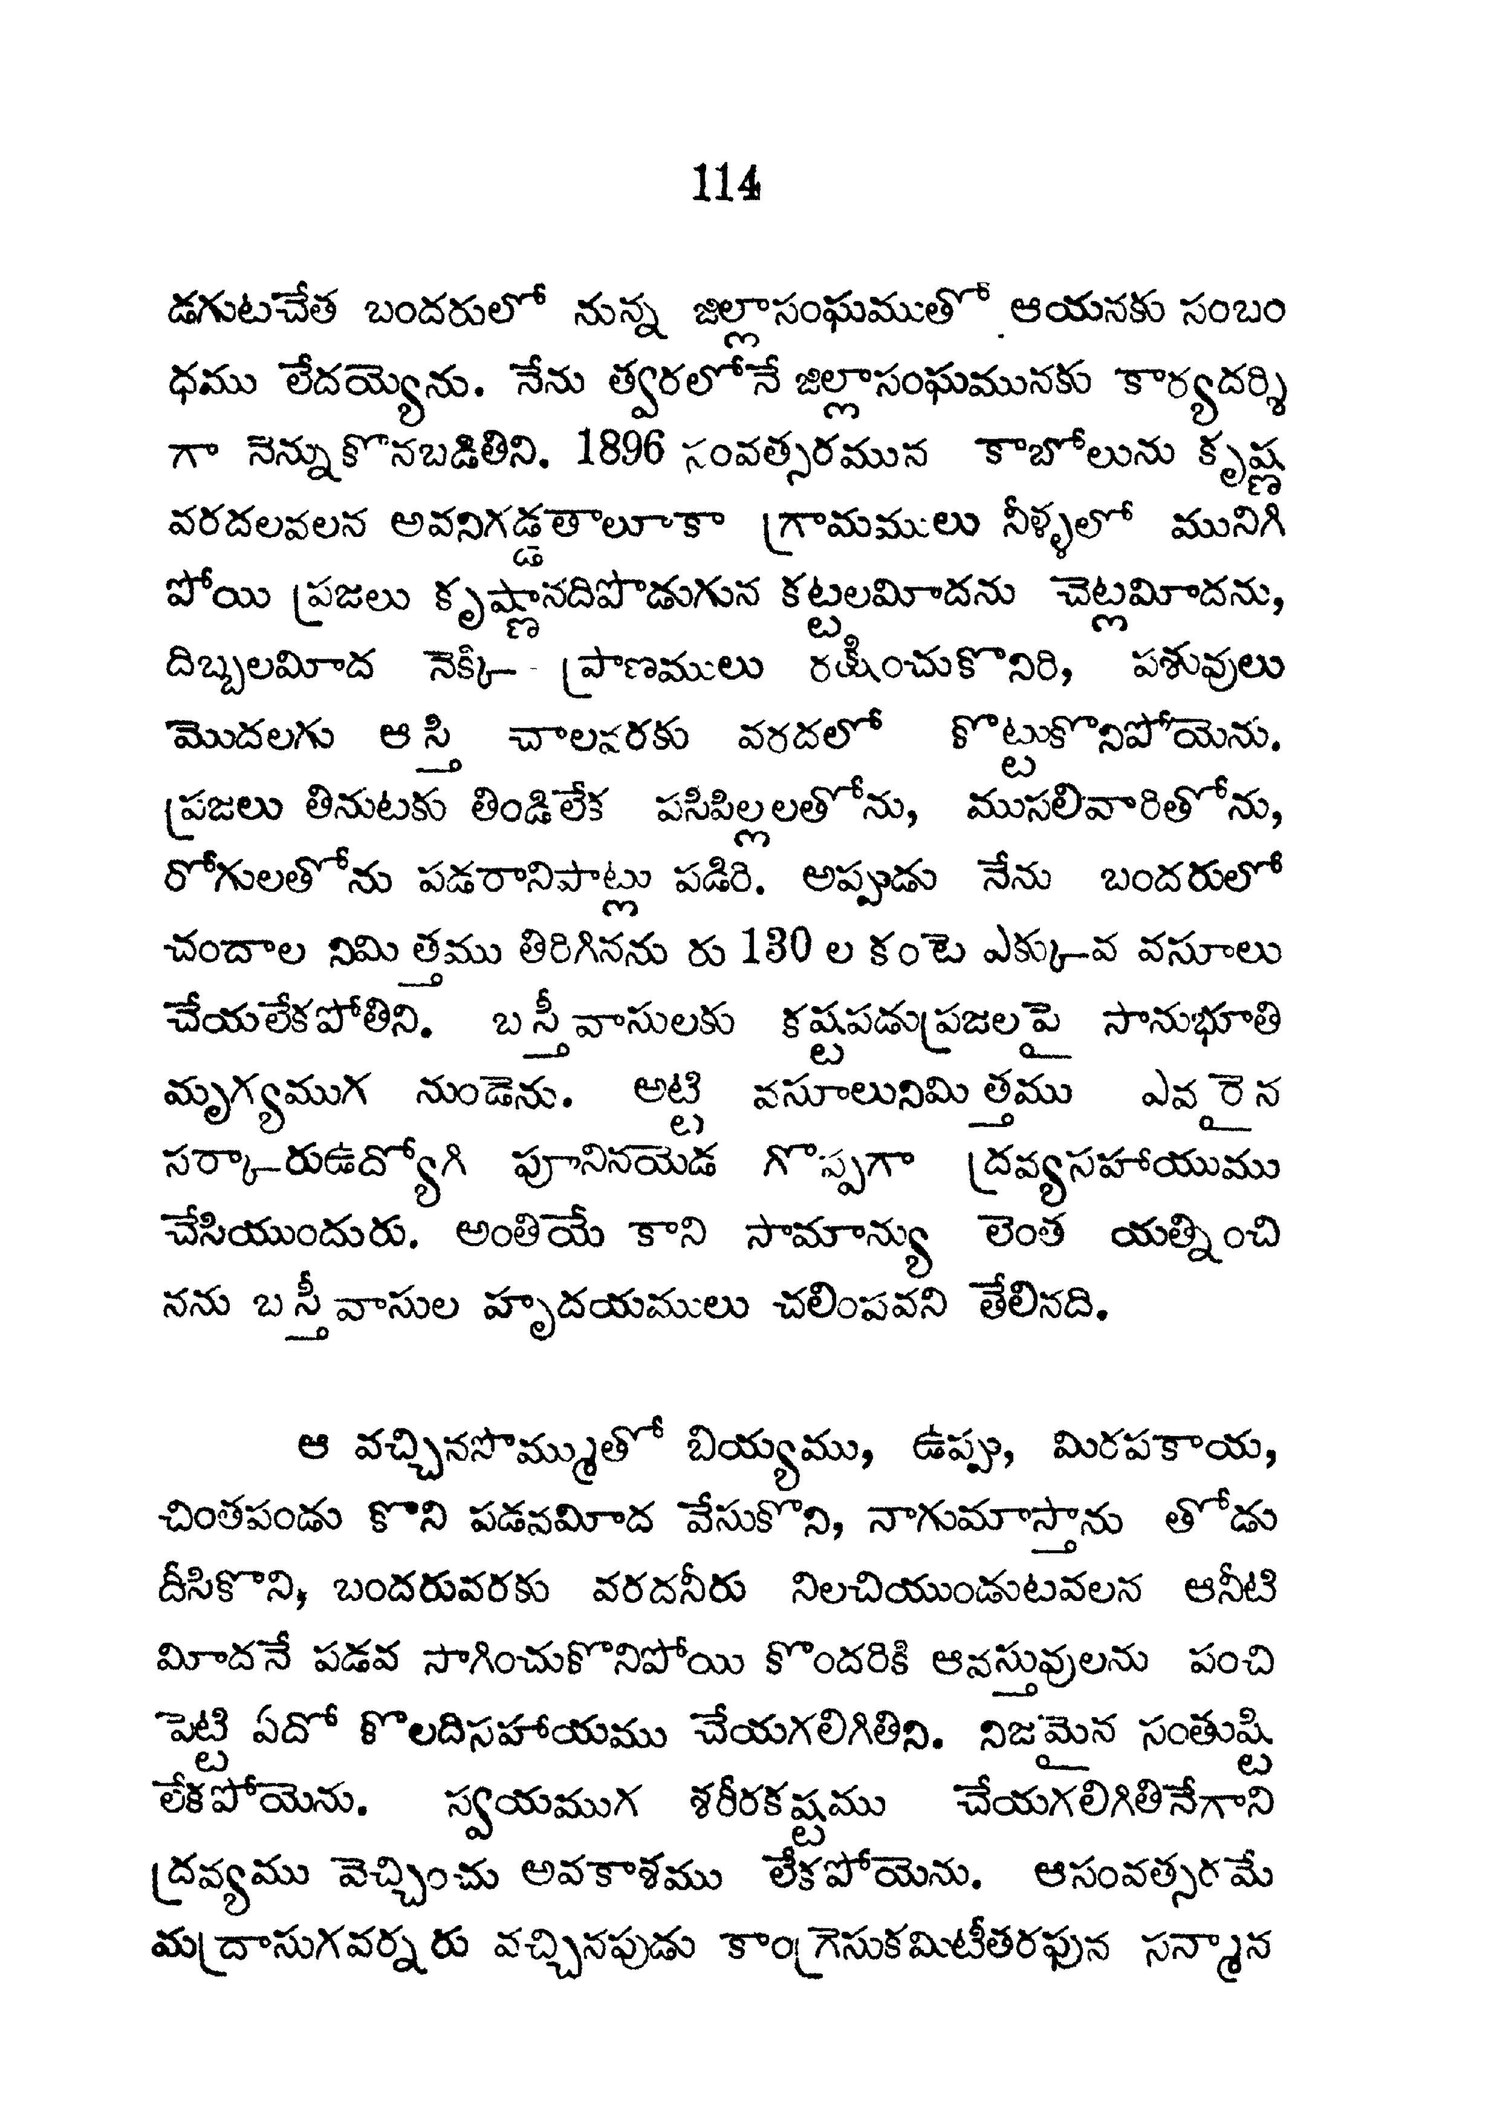డగుటచేత బందరులో నున్న జిల్లాసంఘముతో ఆయనకు సంబంధము లేదయ్యెను. నేను త్వరలోనే జిల్లాసంఘమునకు కార్యదర్శిగా నెన్నుకొనబడితిని. 1896 సంవత్సరమున కాబోలును కృష్ణ వరదలవలన అవనిగడ్డతాలూకా గ్రామములు నీళ్ళలో మునిగిపోయి ప్రజలు కృష్ణానదిపొడుగున కట్టలమీదను చెట్లమీదను, దిబ్బలమీద నెక్కి ప్రాణములు రక్షించుకొనిరి, పశువులు మొదలగు ఆస్తి చాలవరకు వరదలో కొట్టుకొనిపోయెను. ప్రజలు తినుటకు తిండిలేక పసిపిల్లలతోను, ముసలివారితోను, రోగులతోను పడరానిపాట్లు పడిరి. అప్పుడు నేను బందరులో చందాల నిమిత్తము తిగినను రు 130 ల కంటె ఎక్కువ వసూలు చేయలేకపోతిని. బస్తీవాసులకు కష్టపడుప్రజలపై సానుభూతి మృగ్యముగ నుండెను. అట్టి వసూలునిమిత్తము ఎవరైన సర్కారుఉద్యోగి పూనినయెడ గొప్పగా ద్రవ్యసహాయము చేసియుందురు. అంతియే కాని సామాన్యు లెంత యత్నించినను బస్తీ వాసుల హృదయములు చలింపవని తేలినది.

ఆ వచ్చినసొమ్ముతో బియ్యము, ఉప్పు, మిరపకాయ, చింతపండు కొని పడవమీద వేసుకొని, నాగుమాస్తాను తోడు దీసికొని, బందరువరకు వరదనీరు నిలచియుండుటవలన ఆనీటిమీదనే పడవ సాగించుకొనిపోయి కొందరికి ఆవస్తువులను పంచిపెట్టి ఏదో కొలదిసహాయము చేయగలిగితిని. నిజమైన సంతుష్టి లేకపోయెను. స్వయముగ శరీరకష్టము చేయగలిగితినేగాని ద్రవ్యము వెచ్చించు అవకాశము లేకపోయెను. ఆసంవత్సరమే మద్రాసుగవర్నరు వచ్చినపుడు కాంగ్రెసుకమిటీతరపున సన్మాన